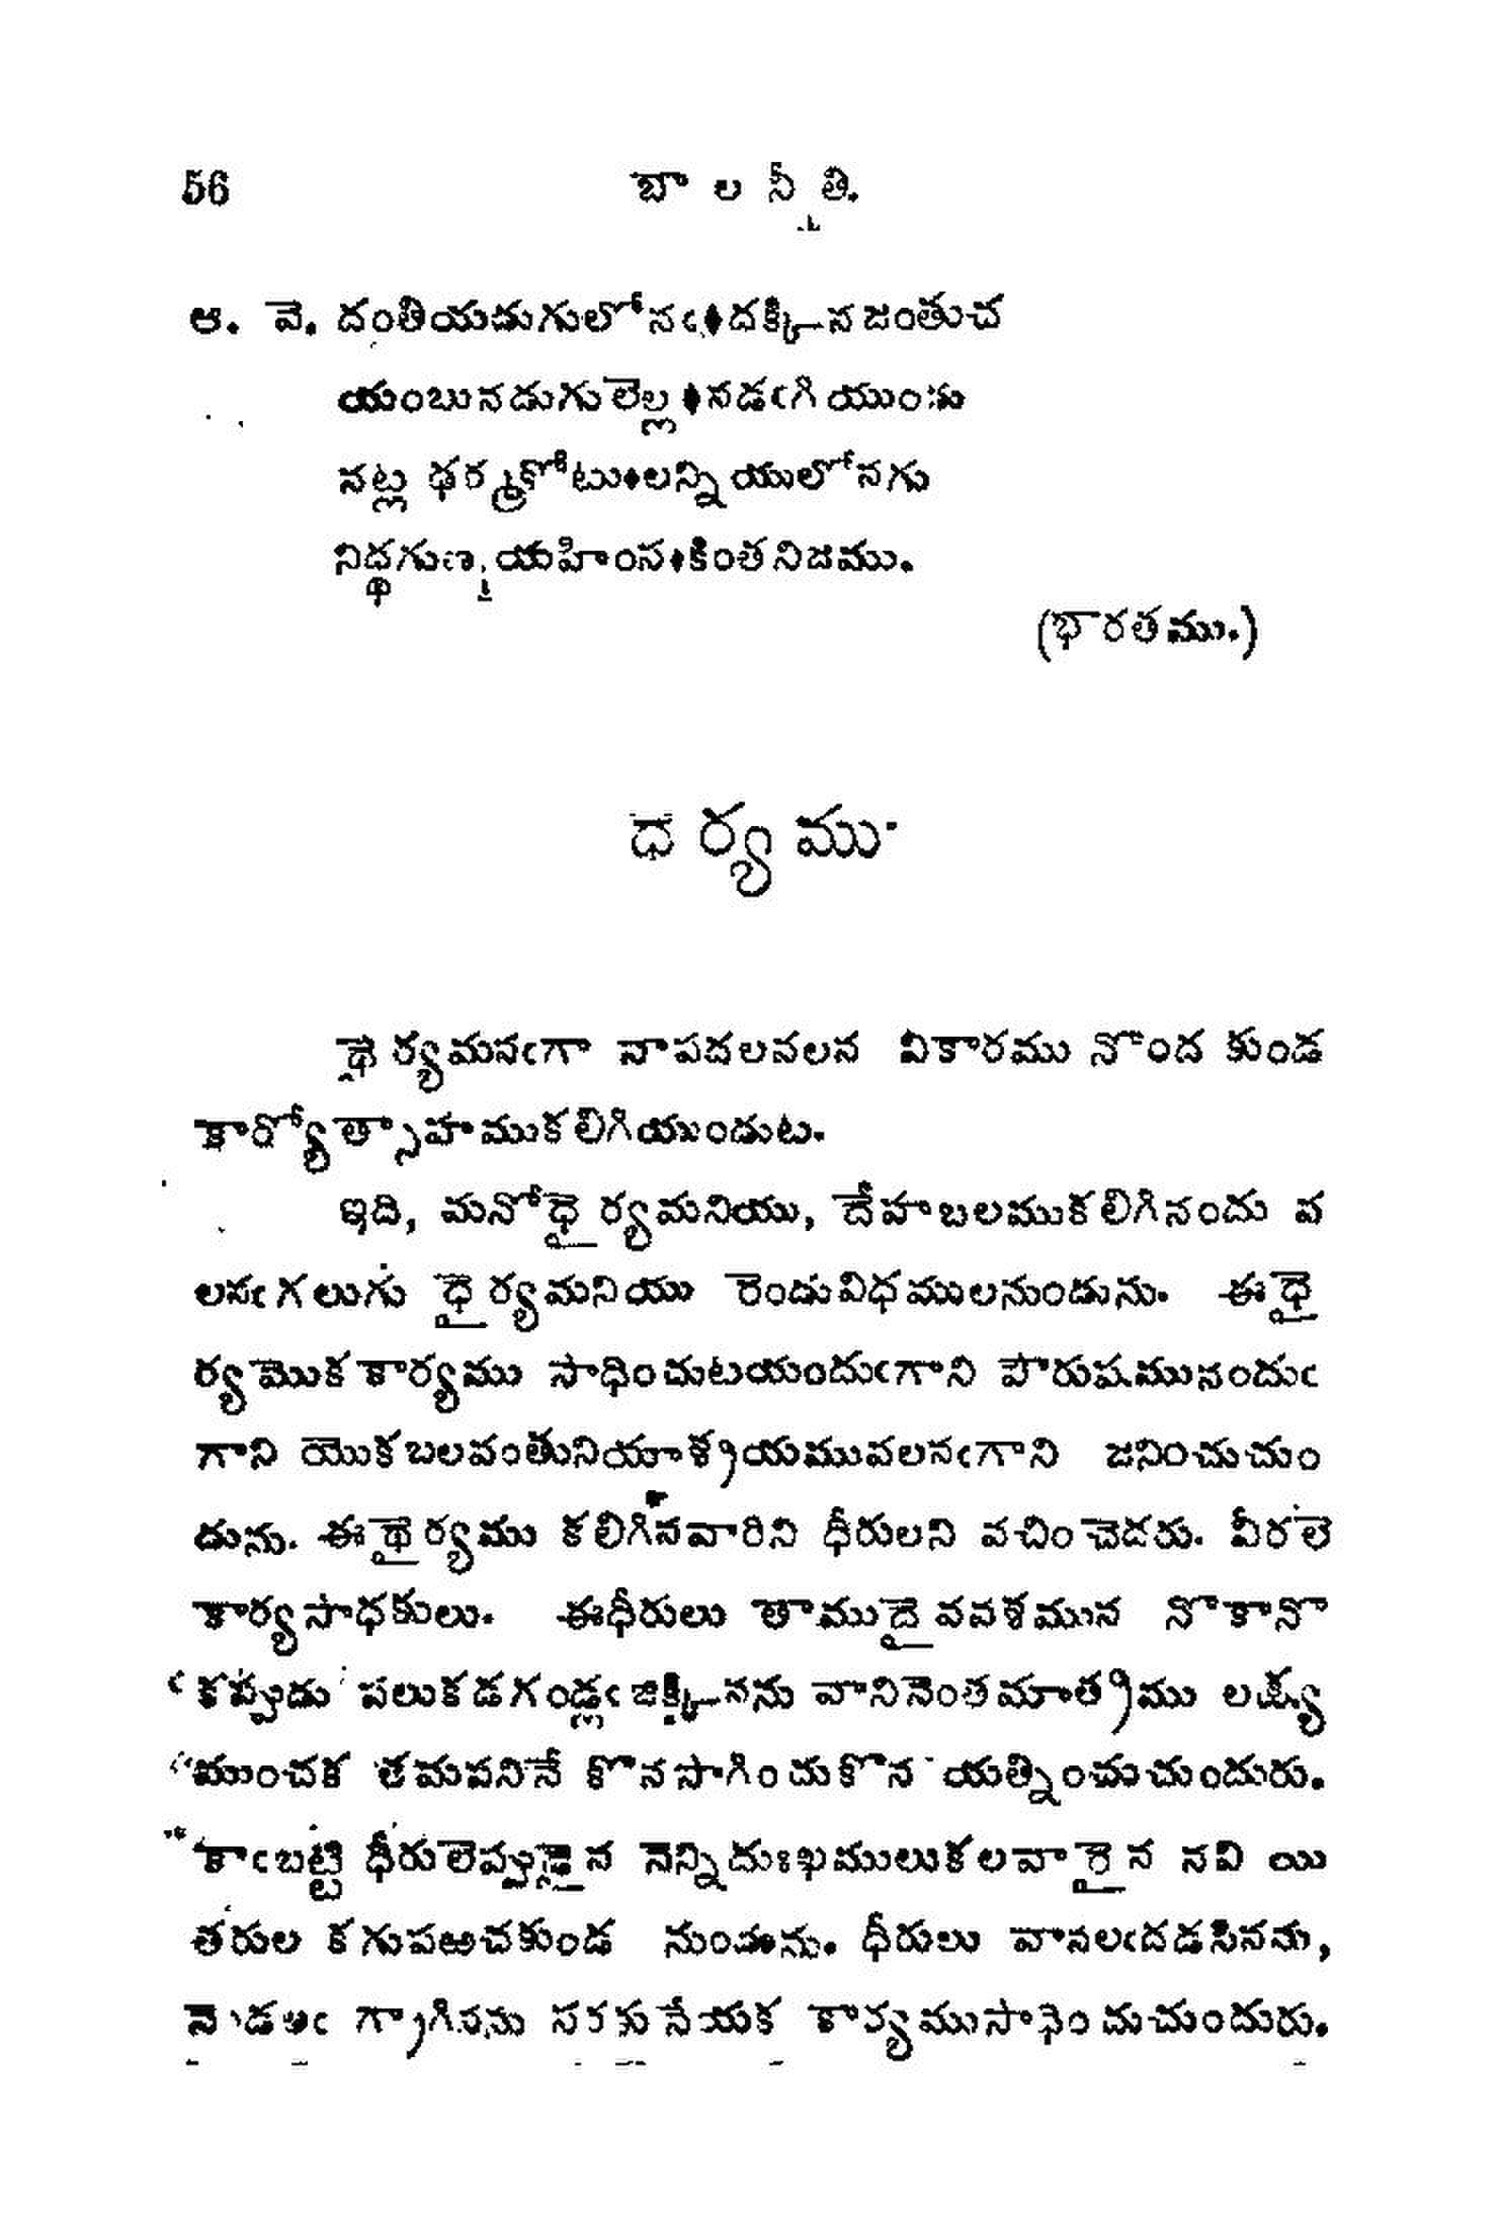ఆ. వె. దంతియడుగులోనఁ♦దక్కినజంతుచ
 యంబునడుగులెల్ల♦నడఁగి యుండు
 నట్ల ధర్మకోటు♦లన్నియులోనగు
 నిద్థగుణ యహింస♦కింతనిజము.
 (భారతము.)

ధైర్యము.

 
థైర్యమనఁగా నాపదలవలన వికారము నొంద కుండ 
కార్యోత్సాహముకలిగియుండుట.

ఇది, మనోధైర్యమనియు, దేహబలముకలిగినందు వ
లనఁగలుగు ధైర్యమనియు రెండువిధములనుండును. ఈధై
ర్యమొకకార్యము సాధించుటయందుఁగాని పౌరుషమునందుఁ
గాని యొకబలవంతునియాశ్రయమువలనఁగాని జనించుచుం
డును. ఈధైర్యము కలిగినవారిని ధీరులని వచించెదరు. వీరలె 
కార్యసాధకులు. ఈధీరులు తాముదైవవశమున నొకానొ
కప్పుడు పలుకడగండ్లఁజిక్కినను వానినెంతమాత్రము లక్ష్య
ముంచక తమపనినే కొనసాగించుకొన యత్నించుచుందురు. 
కాఁబట్టి ధీరులెప్పుడైన నెన్నిదుఃఖములుకలవారైన నవి యి
తరుల కగుపఱచకుండ నుండును. ధీరులు వానలఁదడసినను, 
నెండలఁ గ్రాగినను సరకుసేయక కార్యముసాధించుచుందురు.